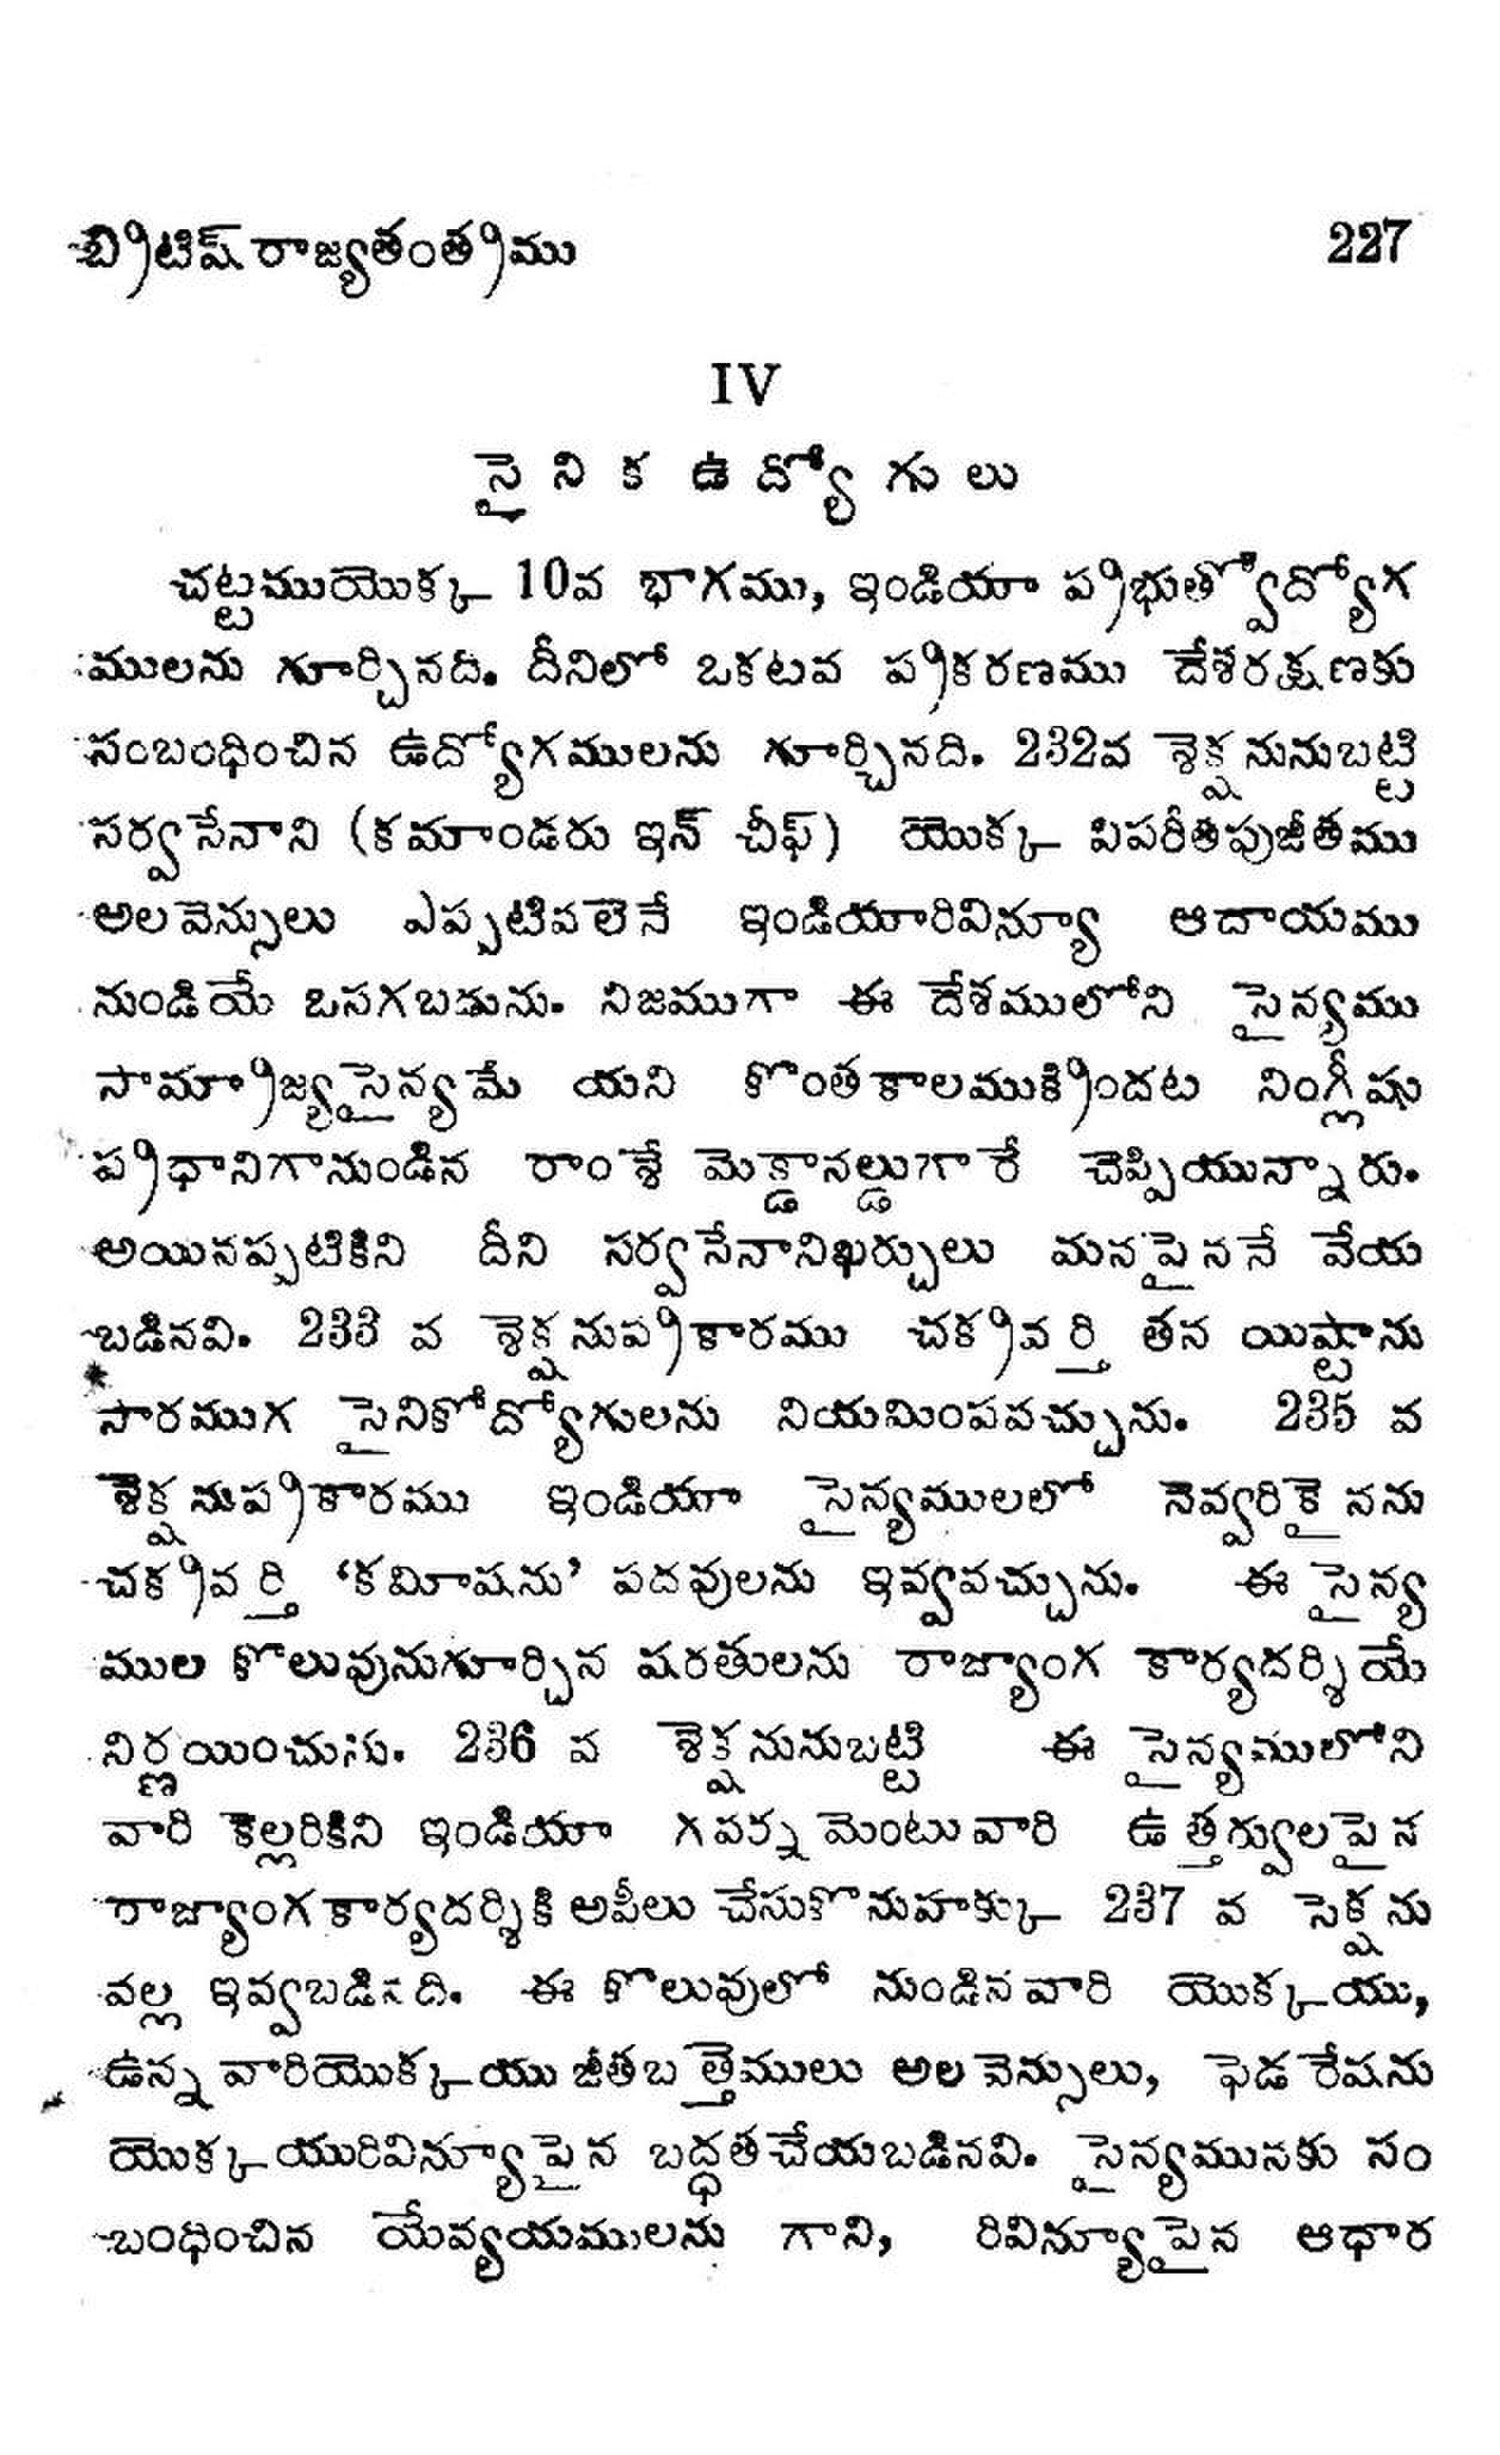IV 
సైనిక ఉద్యోగులు 

చట్టముయొక్క 10వ భాగము, ఇండియా ప్రభుత్వోద్యోగములను గూర్చినది. దీనిలో ఒకటవ ప్రకరణము దేశరక్షణకు సంబంధించిన ఉద్యోగములను గూర్చినది. 232వ శెక్షనునుబట్టి సర్వసేనాని (కమాండరు ఇన్ చీఫ్) యొక్క విపరీతపుజీతము అలవెన్సులు ఎప్పటివలెనే ఇండియారివిన్యూ ఆదాయమునుండియే ఒసగబడును. నిజముగా ఈ దేశములోని సైన్యము సామ్రాజ్యసైన్యమే యని కొంతకాలముక్రిందట నింగ్లీషు ప్రధానిగానుండిన రాంశే మెక్డానల్డుగారే చెప్పియున్నారు. అయినప్పటికిని దీని సర్వసేనానిఖర్పులు మనపైననే వేయబడినవి. 233 వ శెక్షనుప్రకారము చక్రవర్తి తన యిష్టానుసారముగ సైనికోద్యోగులను నియమింపవచ్చును. 235 వ శెక్షనుప్రకారము ఇండియా సైన్యములలో నెవ్వరికైనను చక్రవర్తి 'కమీషను' పదవులను ఇవ్వవచ్చును. ఈ సైన్యముల కొలువునుగూర్చిన షరతులను రాజ్యాంగ కార్యదర్శియే నిర్ణయించును. 236 వ శెక్షనునుబట్టి ఈ సైన్యములోని వారి కెల్లరికిని ఇండియా గవర్నమెంటువారి ఉత్తర్వులపైన రాజ్యాంగకార్యదర్శికి అపీలు చేసుకొనుహక్కు 237 వ సెక్షను వల్ల ఇవ్వబడినది. ఈ కొలువులో నుండినవారి యొక్కయు, ఉన్నవారియొక్కయు జీతబత్తెములు అలవెన్సులు, ఫెడరేషనుయొక్కయు రివిన్యూపైన బద్దతచేయబడినవి. సైన్యమునకు సంబంధించిన యేవ్యయములను గాని, రివిన్యూపైన ఆధార